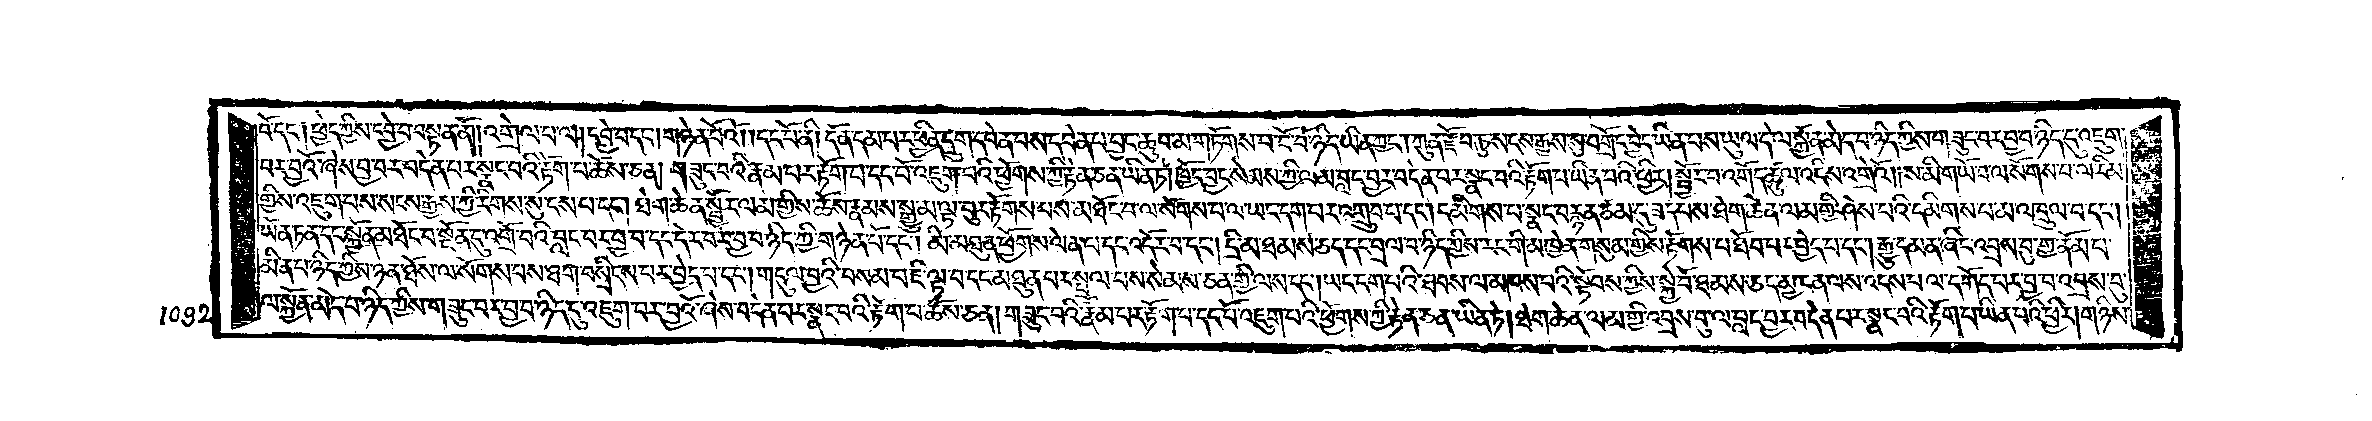བོ་དང་། ཕྱེད་ཀྱིས་དབྱེ་བ་བསྟན་ནོ། །འགྲེལ་པ་ལ། དབྱེ་བ་དང་། གཉེན་པོའོ། །དང་པོ་ནི། དོན་དམ་པར་ཕྱིན་དྲུག་དབེན་པས་དབེན་པ་བྱང་ཆུབ་མ་གཏོགས་པ་ངོ་བོ་ཉིད་ཡིན་ཀྱང་། ཀུན་རྫོབ་ཏུ་སངས་རྒྱས་སུ་བགྲོད་བྱེད་ཡིན་པས་ཡུལ་དེ་ལ་སྐྱོན་མེད་པ་ཉིད་ཀྱིས་གཟུང་བར་བྱ་བ་ཉིད་དུ་འཇུག་
པར་བྱའོ་ཞེས་བྱ་བར་བདེན་པར་སྣང་བའི་རྟོག་པ་ཆོས་ཅན། གཟུང་བའི་རྣམ་པར་རྟོག་པ་དང་པོ་འཇུག་པའི་ཕྱོགས་ཀྱི་རྟེན་ཅན་ཡིན་ཏེ། ཁྱོད་བྱང་སེམས་ཀྱི་ལམ་བླང་བྱར་བདེན་པར་སྣང་བའི་རྟོག་པ་ཡིན་པའི་ཕྱིར། སྦྱོར་བ་འགོད་ཚུལ་འདིས་འགྲེའོ། །ས་མི་གཡོ་བ་ལ་སོགས་པ་ལ་རིམ་
གྱིས་འཇུག་པས་སངས་རྒྱས་ཀྱི་རིགས་སུ་ངེས་པ་དང་། ཐེག་ཆེན་སྦྱོར་ལམ་གྱིས་ཆོས་རྣམས་སྒྱུ་མ་ལྟ་བུར་རྟོགས་པས་མཐོང་བ་ལ་སོགས་པ་ལ་ཡང་དག་པར་འགྲུབ་པ་དང་། དམིགས་པ་སྣང་བརྙན་ཙམ་དུ་ཟད་པས་ཐེག་ཆེན་ལམ་གྱི་ཤེས་པའི་དམིགས་པ་མ་འཁྲུལ་བ་དང་།
ཡོན་ཏན་དང་སྐྱོན་མཐོང་བ་སྔོན་དུ་འགྲོ་བའི་བླང་བར་བྱ་བ་དང་དེར་བར་བྱ་བ་ཉིད་ཀྱི་གཉེན་པོ་དང་། མི་མཐུན་ཕྱོགས་ལེན་པ་དང་འདོར་བ་དང་། དྲི་མ་ཐམས་ཅད་དང་བྲལ་བ་ཉིད་ཀྱིས་རང་གི་མཁྱེན་གསུམ་གྱིས་རྟོགས་པ་ཐོབ་པར་བྱེད་པ་དང་། རྒྱུ་དམན་ཞིང་འབྲས་བུ་གྱ་ནོམ་པ་
མིན་པ་ཉིད་ཀྱིས་ཉན་ཐོས་ལ་སོགས་པས་ཐག་བསྲིངས་པར་བྱེད་པ་དང་། གདུལ་བྱའི་བསམ་པ་ཇི་ལྟ་བ་དང་མཐུན་པར་སྤྲུལ་བས་སེམས་ཅན་གྱི་ལས་དང་། ཡང་དག་པའི་ཐབས་ལ་མཁས་པའི་སྟོབས་ཀྱིས་སྐྱེ་བོ་ཐམས་ཅད་མྱ་ངན་ལས་འདས་པ་ལ་དགོད་པར་བྱ་བ་འབྲས་བུ་
ལ་སྐྱོན་མེད་པ་ཉིད་ཀྱིས་གཟུང་བར་བྱ་བ་ཉིད་དུ་འཇུག་པར་བྱའོ་ཞེས་བདེན་པར་སྣང་བའི་རྟོག་པ་ཆོས་ཅན། གཟུང་བའི་རྣམ་པར་རྟོག་པ་དང་པོ་འཇུག་པའི་ཕྱོགས་ཀྱི་རྟེན་ཅན་ཡིན་ཏེ། ཐེག་ཆེན་ལམ་གྱི་འབྲས་བུ་ལ་བླང་བྱར་བདེན་པར་སྣང་བའི་རྟོག་པ་ཡིན་པའི་ཕྱིར། གཉིས་